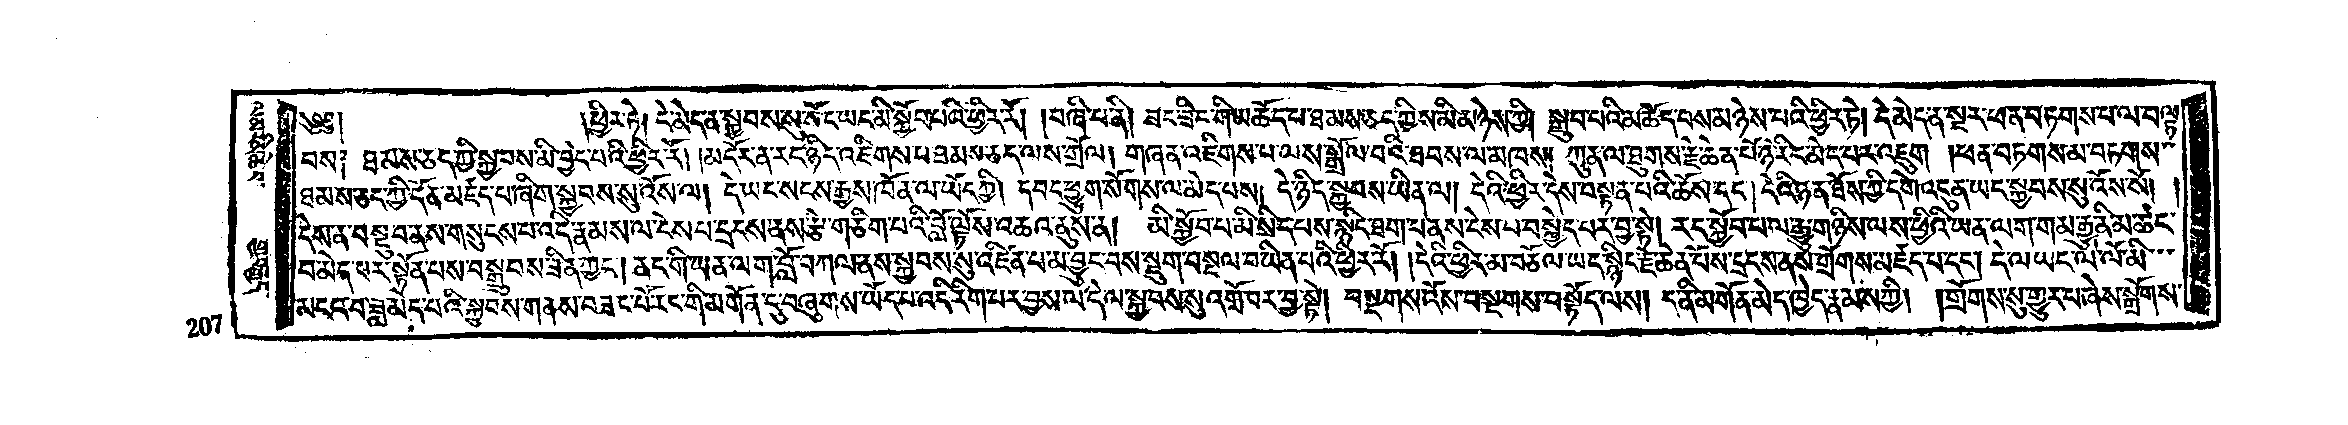༄༅། །ཕྱིར་ཏེ། དེ་མེད་ན་སྐྱབས་སུ་སོང་ཡང་མི་སྐྱོབ་པའི་ཕྱིར་རོ། །བཞི་པ་ནི། ཟང་ཟིང་གི་མཆོད་པ་ཐམས་ཅད་ཀྱིས་མི་མཉེས་ཀྱི། སྒྲུབ་པའི་མཆོད་པས་མཉེས་པའི་ཕྱིར་ཏེ། དེ་མེད་ན་སྔར་ཕན་བཏགས་པ་ལ་བལྟ་
བས༑ ཐམས་ཅད་ཀྱི་སྐྱབས་མི་བྱེད་པའི་ཕྱིར་རོ། །མདོར་ན་རང་ཉིད་འཇིགས་པ་ཐམས་ཅད་ལས་གྲོལ། གཞན་འཇིགས་པ་ལས་སྒྲོལ་བའི་ཐབས་ལ་མཁས། ཀུན་ལ་ཐུགས་རྗེ་ཆེན་པོ་ཉེ་རིང་མེད་པར་འཇུག །ཕན་བཏགས་མ་བཏགས་
ཐམས་ཅད་ཀྱི་དོན་མཛད་པ་ཞིག་སྐྱབས་སུ་འོས་ལ། དེ་ཡང་སངས་རྒྱས་ཁོན་ལ་ཡོད་ཀྱི། དབང་ཕྱུག་སོགས་ལ་མེད་པས། དེ་ཉིད་སྐྱབས་ཡིན་ལ། དེའི་ཕྱིར་དེས་བསྟན་པའི་ཆོས་དང་། དེའི་ཉན་ཐོས་ཀྱི་དགེ་འདུན་ཡང་སྐྱབས་སུ་འོས་སོ། །
དེས་ན་བསྡུ་བ་ནས་གསུངས་པ་འདི་རྣམས་ལ་ངེས་པ་དྲངས་ནས་རྩེ་གཅིག་པའི་བློ་ལྟོས་འཆའ་ནུས་ན། མི་སྐྱོབ་པ་མི་སྲིད་པས་སྙིང་ཐག་པ་ནས་ངེས་པ་བསྐྱེད་པར་བྱ་སྟེ། རང་སྐྱོབ་པ་ལ་རྒྱུ་གཉིས་ལས་ཕྱིའི་ཡན་ལག་གམ་རྒྱུ་ནི་མ་ཚང་
བ་མེད་པར་སྟོན་པས་བསྒྲུབས་ཟིན་ཀྱང་། ནང་གི་ཡན་ལག་བློ་བཀལ་ནས་སྐྱབས་སུ་འཛིན་པ་མ་བྱུང་བས་སྡུག་བསྔལ་བ་ཡིན་པའི་ཕྱིར་རོ། །དེའི་ཕྱིར་མ་བཅོལ་ཡང་སྙིང་རྗེ་ཆེན་པོས་དྲངས་ནས་གྲོགས་མཛད་པ་དང་། དེ་ལ་ཡང་ལེ་ལོ་མི་
མངའ་བ་ཟླ་མེད་པའི་སྐྱབས་གནས་བཟང་པོ་རང་གི་མགོན་དུ་བཞུགས་ཡོད་པ་འདི་རིག་པར་བྱས་ལ་དེ་ལ་སྐྱབས་སུ་འགྲོ་བར་བྱ་སྟེ། བསྔགས་འོས་བསྔགས་བསྟོད་ལས། ང་ནི་མགོན་མེད་ཁྱེད་རྣམས་ཀྱི། །གྲོགས་སུ་གྱུར་པ་ཞེས་སྒྲོགས་